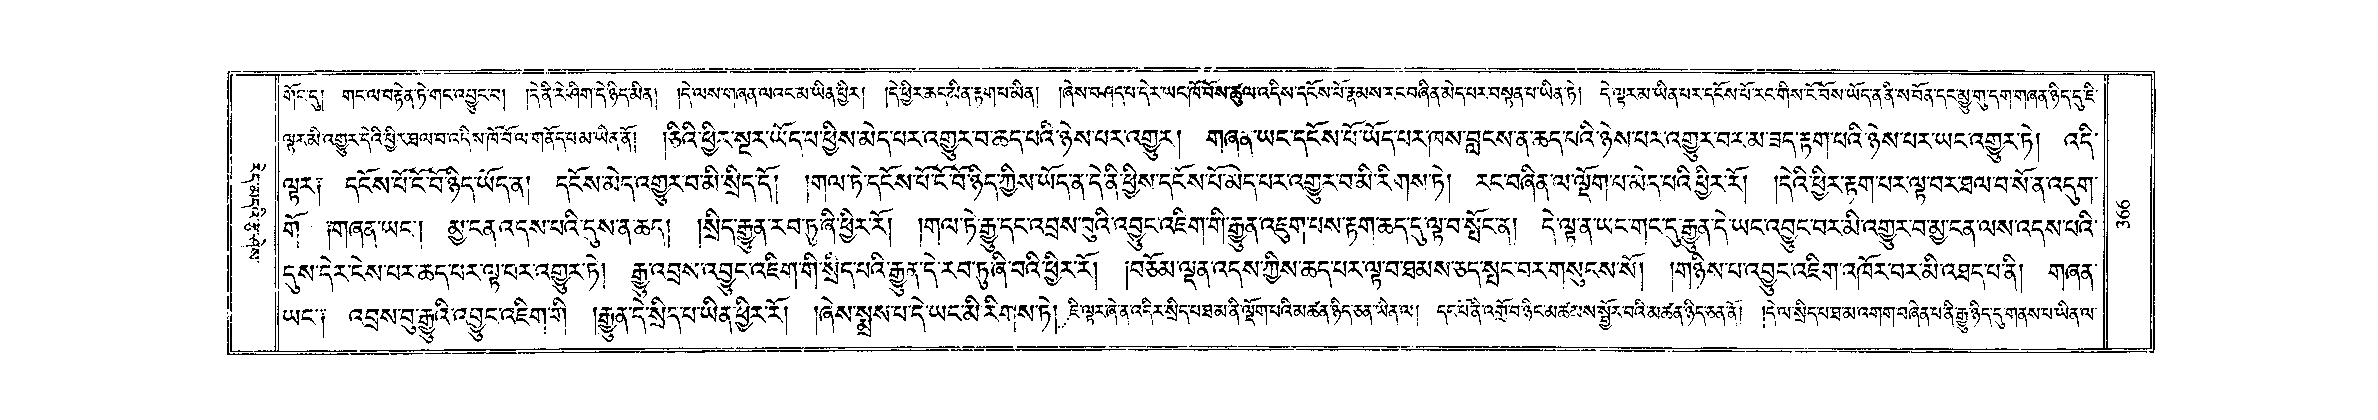གོང་དུ། གང་ལ་བརྟེན་ཏེ་གང་འབྱུང་བ། །དེ་ནི་རེ་ཤིག་དེ་ཉིད་མིན། །དེ་ལས་གཞན་ལའང་མ་ཡིན་ཕྱིར། །དེ་ཕྱིར་ཆད་མིན་རྟག་པ་མིན། །ཞེས་བཤད་པ་དེར་ཡང་ཁོ་བོས་ཚུལ་འདིས་དངོས་པོ་རྣམས་རང་བཞིན་མེད་པར་བསྟན་པ་ཡིན་ཏེ། དེ་ལྟར་མ་ཡིན་པར་དངོས་པོ་རང་གིས་ངོ་བོས་ཡོད་ན་ནི་ས་བོན་དང་མྱུ་གུ་དག་གཞན་ཉིད་དུ་ཇི་
ལྟར་མི་འགྱུར་དེའི་ཕྱིར་ཐལ་བ་འདིས་ཁོ་བོ་ལ་གནོད་པ་མ་ཡིན་ནོ། །ཅིའི་ཕྱིར་སྔར་ཡོད་པ་ཕྱིས་མེད་པར་འགྱུར་བ་ཆད་པའི་ཉེས་པར་འགྱུར། གཞན་ཡང་དངོས་པོ་ཡོད་པར་ཁས་བླངས་ན་ཆད་པའི་ཉེས་པར་འགྱུར་བར་མ་ཟད་རྟག་པའི་ཉེས་པར་ཡང་འགྱུར་ཏེ། འདི་
ལྟར༑ དངོས་པོ་ངོ་བོ་ཉིད་ཡོད་ན། དངོས་མེད་འགྱུར་བ་མི་སྲིད་དོ། །གལ་ཏེ་དངོས་པོ་ངོ་བོ་ཉིད་ཀྱིས་ཡོད་ན་དེ་ནི་ཕྱིས་དངོས་པོ་མེད་པར་འགྱུར་བ་མི་རིགས་ཏེ། རང་བཞིན་ལ་ལྡོག་པ་མེད་པའི་ཕྱིར་རོ། །དེའི་ཕྱིར་རྟག་པར་ལྟ་བར་ཐལ་བ་སོ་ན་འདུག་
གོ ༑གཞན་ཡང་། མྱ་ངན་འདས་པའི་དུས་ན་ཆད། །སྲིད་རྒྱུན་རབ་ཏུ་ཞི་ཕྱིར་རོ། །གལ་ཏེ་རྒྱུ་དང་འབྲས་བུའི་འབྱུང་འཇིག་གི་རྒྱུན་འཇུག་པས་རྟག་ཆད་དུ་ལྟ་བ་སྤོང་ན། དེ་ལྟ་ན་ཡང་གང་དུ་རྒྱུན་དེ་ཡང་འབྱུང་བར་མི་འགྱུར་བ་མྱ་ངན་ལས་འདས་པའི་
དུས་དེར་ངེས་པར་ཆད་པར་ལྟ་བར་འགྱུར་ཏེ། རྒྱུ་འབྲས་འབྱུང་འཇིག་གི་སྲིད་པའི་རྒྱུན་དེ་རབ་ཏུ་ཞི་བའི་ཕྱིར་རོ། །བཅོམ་ལྡན་འདས་ཀྱིས་ཆད་པར་ལྟ་བ་ཐམས་ཅད་སྤང་བར་གསུངས་སོ། །གཉིས་པ་འབྱུང་འཇིག་འཁོར་བར་མི་འཐད་པ་ནི། གཞན་
ཡང༑ འབྲས་བུ་རྒྱུའི་འབྱུང་འཇིག་གི །རྒྱུན་དེ་སྲིད་པ་ཡིན་ཕྱིར་རོ། །ཞེས་སྨྲས་པ་དེ་ཡང་མི་རིགས་ཏེ། ཇི་ལྟར་ཞེ་ན་འདིར་སྲིད་པ་ཐ་མ་ནི་ལྡོག་པའི་མཚན་ཉིད་ཅན་ཡིན་ལ། དང་པོ་ནི་འགྲོ་བ་ཉིང་མཚམས་སྦྱོར་བའི་མཚན་ཉིད་ཅན་ནོ། །དེ་ལ་སྲིད་པ་ཐ་མ་འགག་བཞིན་པ་ནི་རྒྱུ་ཉིད་དུ་གནས་པ་ཡིན་ལ་